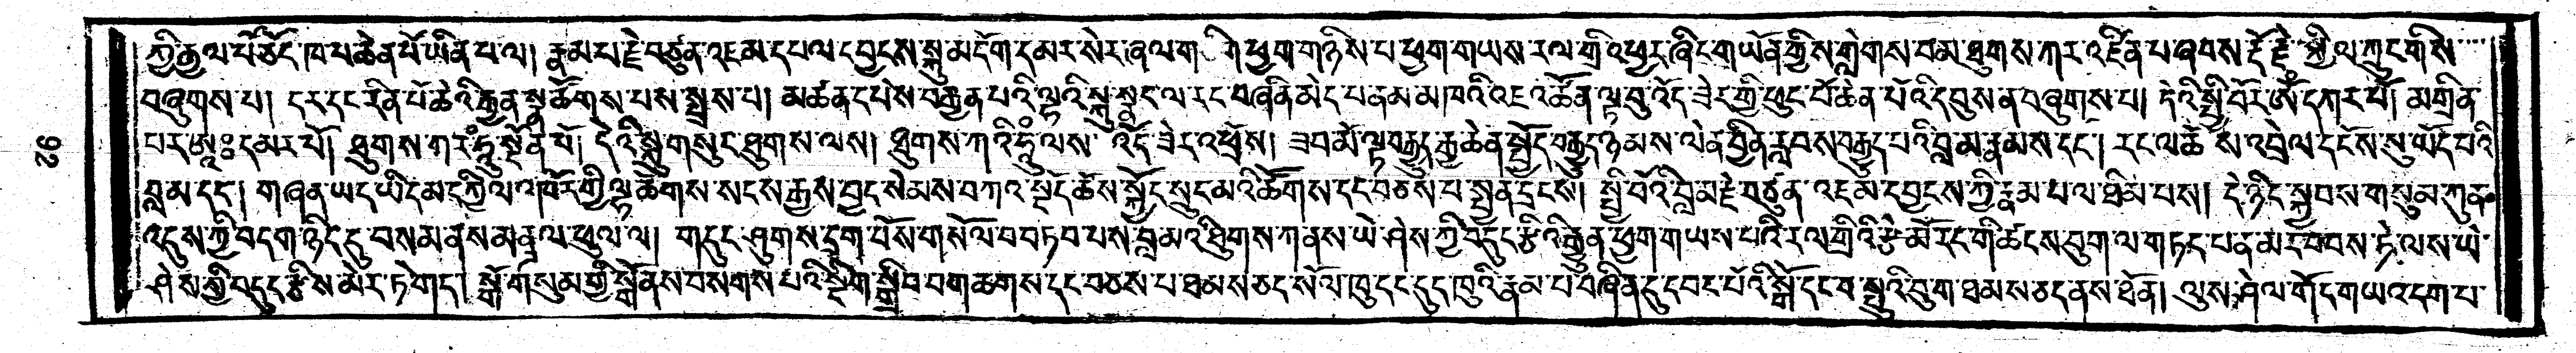ཀྱི་རྒྱལ་པོ་ཅོད་ཁ་པ་ཆེན་པོ་ཡིན་པ་ལ། རྣམ་པ་རྗེ་བཙུན་འཇམ་དཔལ་དབྱངས་སྐུ་མདོག་དམར་སེར་ཞལ་གཅིག་ཕྱག་གཉིས་པ་ཕྱག་གཡས་རལ་གྲི་འཕྱར་ཞིང་གཡོན་གྱིས་གླེགས་བམ་ཐུགས་ཀར་འཛིན་པ་ཞབས་རྡོ་རྗེ་སྐྱིལ་ཀྲུང་གིས་
བཞུགས་པ། དར་དང་རིན་པོ་ཆེའི་རྒྱན་སྣ་ཚོགས་པས་སྤྲས་པ། མཚན་དཔེས་བརྒྱན་པའི་ལྷའི་སྐུ་སྣང་ལ་རང་བཞིན་མེད་པ་ནམ་མཁའི་འཇའ་ཚོན་ལྟ་བུ་འོད་ཟེར་གྱི་ཕུང་པོ་ཆེན་པོའི་དབུས་ན་བཞུགས་པ། དེའི་སྤྱི་བོར་ཨོཾ་དཀར་པོ། མགྲིན་
པར་ཨཱཿ དམར་པོ། ཐུགས་ཀར་ཧཱུཾ་སྔོན་པོ། དེའི་སྐུ་གསུང་ཐུགས་ལས། ཐུགས་ཀའི་ཧཱུཾ་ལས་འོད་ཟེར་འཕྲོས། ཟབ་མོ་ལྟ་བརྒྱུད་རྒྱ་ཆེན་སྤྱོད་བརྒྱུད་ཉམས་ལེན་བྱིན་རླབས་བརྒྱུད་པའི་བླ་མ་རྣམས་དང་། རང་ལ་ཆོས་འབྲེལ་དངོས་སུ་ཡོད་པའི་
བླ་མ་དང་། གཞན་ཡང་ཡི་དམ་དཀྱིལ་འཁོར་གྱི་ལྷ་ཚོགས་སངས་རྒྱས་བྱང་སེམས་བཀའ་སྔོད་ཆོས་སྐྱོང་སྲུང་མའི་ཚོགས་དང་བཅས་པ་སྤྱན་དྲངས། སྤྱི་བོའི་བླ་མ་རྗེ་བཙུན་འཇམ་དབྱངས་ཀྱི་རྣམ་པ་ལ་ཐིམ་པས། དེ་ཉིད་སྐྱབས་གསུམ་ཀུན་
འདུས་ཀྱི་བདག་ཉིད་དུ་བསམ་ནས་མཎྜལ་ཕུལ་ལ། གདུང་ཤུགས་དྲག་པོས་གསོལ་བ་བཏབ་པས་བླ་མའི་ཐུགས་ཀ་ནས་ཡེ་ཤེས་ཀྱི་བདུད་རྩིའི་རྒྱུན་ཕྱག་གཡས་པའི་རལ་གྲིའི་རྩེ་མོ་རང་གི་ཚངས་བུག་ལ་གཏང་པ་ན་མར་བབས་ཏེ་ལས་ཡེ་
ཤེས་ཀྱི་བདུད་རྩིས་མེར་ཏེ་གད། སྒོ་གསུམ་གྱི་སྒོ་ནས་བསགས་པའི་སྡིག་སྒྲིབ་བག་ཆགས་དང་བཅས་པ་ཐམས་ཅད་སོལ་ཁུ་དང་དུད་ཁུའི་རྣམ་པ་བཞིན་དུ་དབང་པོའི་སྒོ་དང་བ་སྤུའི་བུ་ག་ཐམས་ཅད་ནས་ཐོན། ལུས་ཤེལ་གོང་གཡའ་དག་པ་